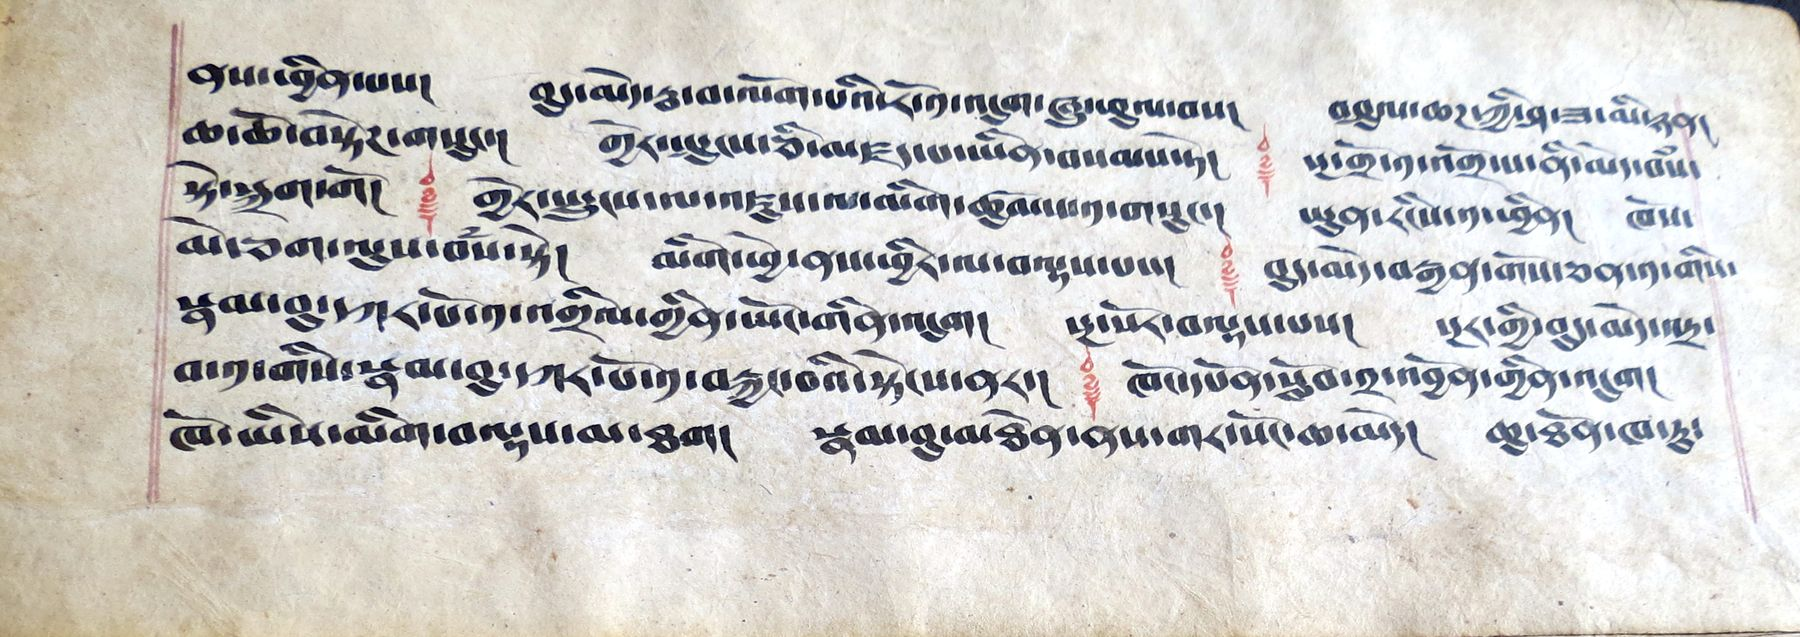ནས་ཕྱིན་པས། བུ་མེད་ལྦ་བ་ལོག་པའི་རོ་ཞིག་གདའ་ཞུ་བ་ཕུལ་བས། བཤུལ་ཆགས་ཀྱི་ཤ་ཟ་མི་ཉན། 
ཆ་ཆོ་ཚོ་བསྡེགས་གསུངས། གྱེར་སྤུངས་ཅི་མཛད་པ་ཡིན་བསམ་སྟེ། སྔ་གྲོ་ཞིག་འགྲོ་ས་ནི་མེད་བསམ་
སྟེ་སྐྲག་གོ། གྱེར་སྤུངས་ལ་འཇུས་ལ་མིག་ཚུམ་ཞིག་གསུངས། ཡུན་རིང་ཞིག་ཕྱིན་ནས། ཁོས་
མེ་ལྕགས་ལུས་བསམ་སྟེ། མིག་ཕྱེ་ནས་ཕྱི་ལ་བལྟས་པས། བུ་མེད་རྒྱན་གོས་ཅན་གཅིག་
སྣམ་བུ་དཀར་པོ་གཅིག་བསྒྲིལ་གྱིན་འོང་གིན་འདུག། སྔ་སོར་བལྟས་པས། སྔར་གྱི་བུད་མེད་འདྲ་
བ་གཅིག་གིས། སྣམ་བུ་དཀར་པོ་གཅིག་བརྐྱང་པའི་སྟེང་ན། ཁོང་དཔོན་སློབ་འབྱོན་གྱིན་འདུག 
ཁོས་མིག་བལྟས་མ་ཐག་སྣམ་བུ་འཐེན་ནས་གར་སོང་ཆ་མེད། ཆུ་འཐོན་ཁ་རུ་